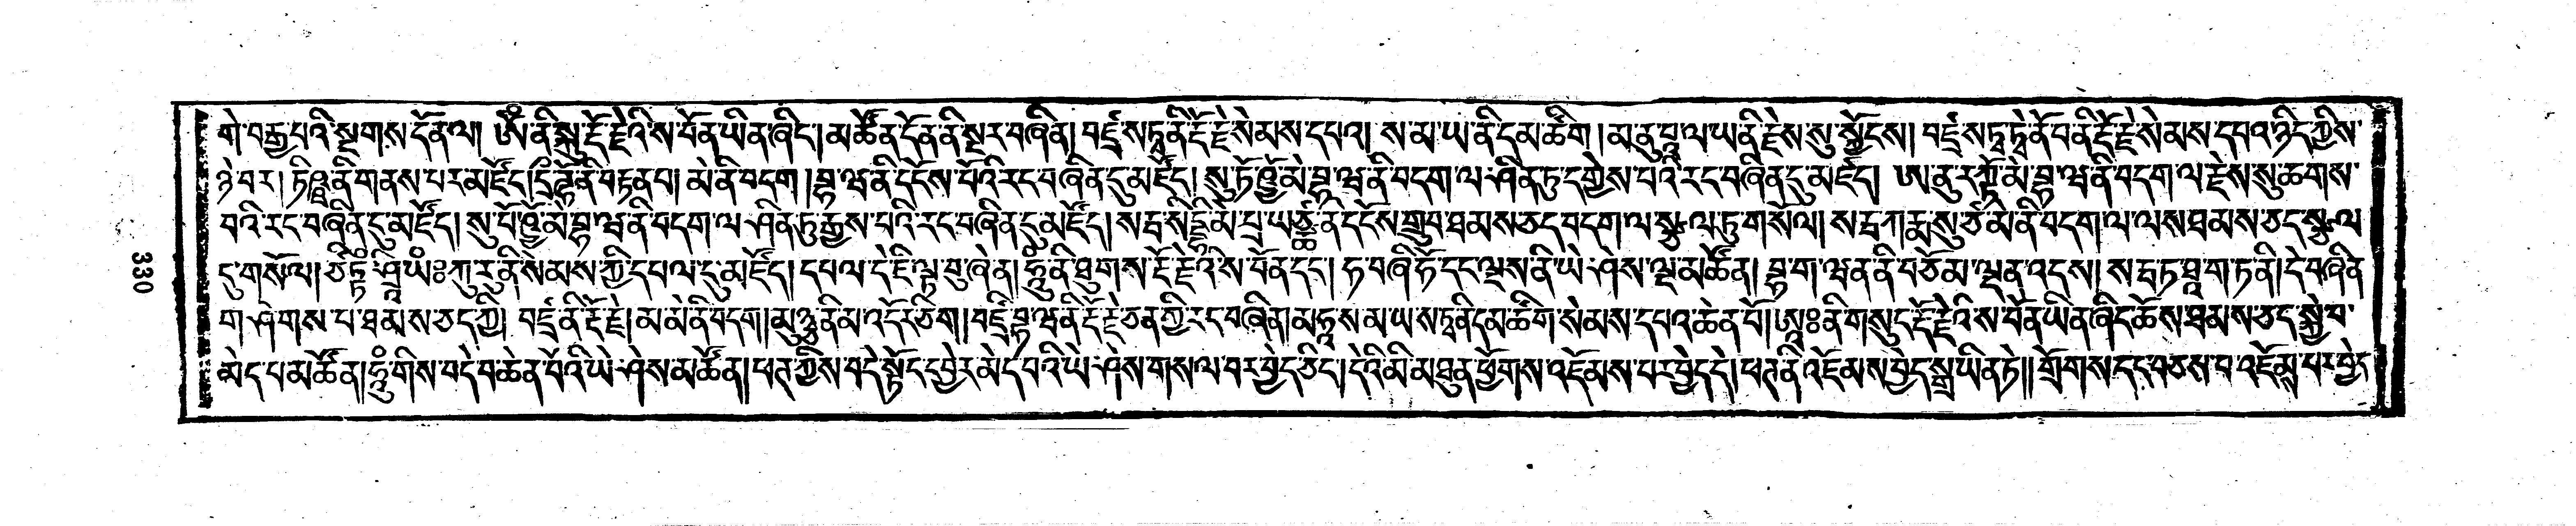གེ་བརྒྱ་པའི་སྔགས་དོན་ལ། ཨོཾ་ནི་སྐུ་རྡོ་རྗེའི་ས་བོན་ཡིན་ཞིང་། མཚོན་དོན་ནི་སྔར་བཞིན། བཛྲས་ཏྭ་ནི་རྡོ་རྗེ་སེམས་དཔའ། ས་མ་ཡ་ནི་དམ་ཚིག །མ་ནུ་པཱ་ལ་ཡ་ནི་རྗེས་སུ་སྐྱོངས། བཛྲ་སཏྭ་ཏྭེ་ནོ་པ་ནི་རྡོ་རྗེ་སེམས་དཔའ་ཉིད་ཀྱིས་
ཉེ་བར། ཏིཥཊཿཨ་ནི་གནས་པར་མཛོད། དྲཌྷོ་ནི་བརྟན་པ། མེ་ནི་བདག །བྷ་ཝ་ནི་དངོས་པོའི་རང་བཞིན་དུ་མཛོད། སུ་ཏོ་ཥྱོ་མེ་བྷ་ཝ་ནི་བདག་ལ་ཤིན་ཏུ་དགྱེས་པའི་རང་བཞིན་དུ་མཛོད། ཨ་ནུ་རཀྟོ་མེ་བྷ་ཝ་ནི་བདག་ལ་རྗེས་སུ་ཆགས་
བའི་རང་བཞིན་དུ་མཛོད། སུ་པོ་ཥྱོ་མེ་བྷ་ཝ་ནི་བདག་ལ་ཤིན་ཏུ་རྒྱས་པའི་རང་བཞིན་དུ་མཛོད། སརྦ་སིདྡྷི་མེ་པྲ་ཡཙྪ་ནི་དངོས་གྲུབ་ཐམས་ཅད་བདག་ལ་སྩལ་ཏུ་གསོལ། སརྦ་ཀརྨ་སུ་ཙ་མེ་ནི་བདག་ལ་ལས་ཐམས་ཅད་སྩལ་
དུ་གསོལ། ཙིཏྟཾ་ཤྲཱི་ཡཾཿ ཀུ་རུ་ནི་སེམས་ཀྱི་དཔལ་དུ་མཛོད། དཔལ་དེ་ཇི་ལྟ་བུ་ཞེ་ན། ཧཱུཾ་ནི་ཐུགས་རྡོ་རྗེའི་ས་བོན་དང་། ཧ་བཞི་ཧོ་དང་ལྔས་ནི་ཡེ་ཤེས་ལྔ་མཚོན། བྷ་ག་ཝ་ན་ནི་བཅོམ་ལྡན་འདས། སརྦ་ཏ་ཐཱ་ག་ཏ་ནི། དེ་བཞིན་
གཤེགས་པ་ཐམས་ཅད་ཀྱི། བཛྲ་ནི་རྡོ་རྗེ། མ་མེ་ནི་བདག །མུཉྩ་ནི་མ་འདོར་ཅིག །བཛྲི་དྷ་ཝ་ནི་རྡོ་རྗེ་ཅན་གྱི་རང་བཞིན། མཧཱ་ས་མ་ཡ་ས་ཏྭ་ནི་དམ་ཚིག་སེམས་དཔའ་ཆེན་པོ། ཨཱཿ ནི་གསུང་རྡོ་རྗེའི་ས་བོན་ཡིན་ཞིང་ཆོས་ཐམས་ཅད་སྐྱེ་བ་
མེད་པ་མཚོན། ཧཱུཾ་གིས་བདེ་བ་ཆེན་པོའི་ཡེ་ཤེས་མཚོན། ཕགས་ཀྱིས་བདེ་སྟོང་དབྱེར་མེད་པའི་ཡེ་ཤེས་གསལ་བར་བྱེད་ཅིང་། དེའི་མི་མཐུན་ཕྱོགས་འཇོམས་པར་བྱེད་དེ། ཕཊ་ནི་འཇོམས་བྱེད་སྒྲ་ཡིན་ཏེ། །གྲོགས་དང་བཅས་པ་འཇོམས་པར་བྱེད་